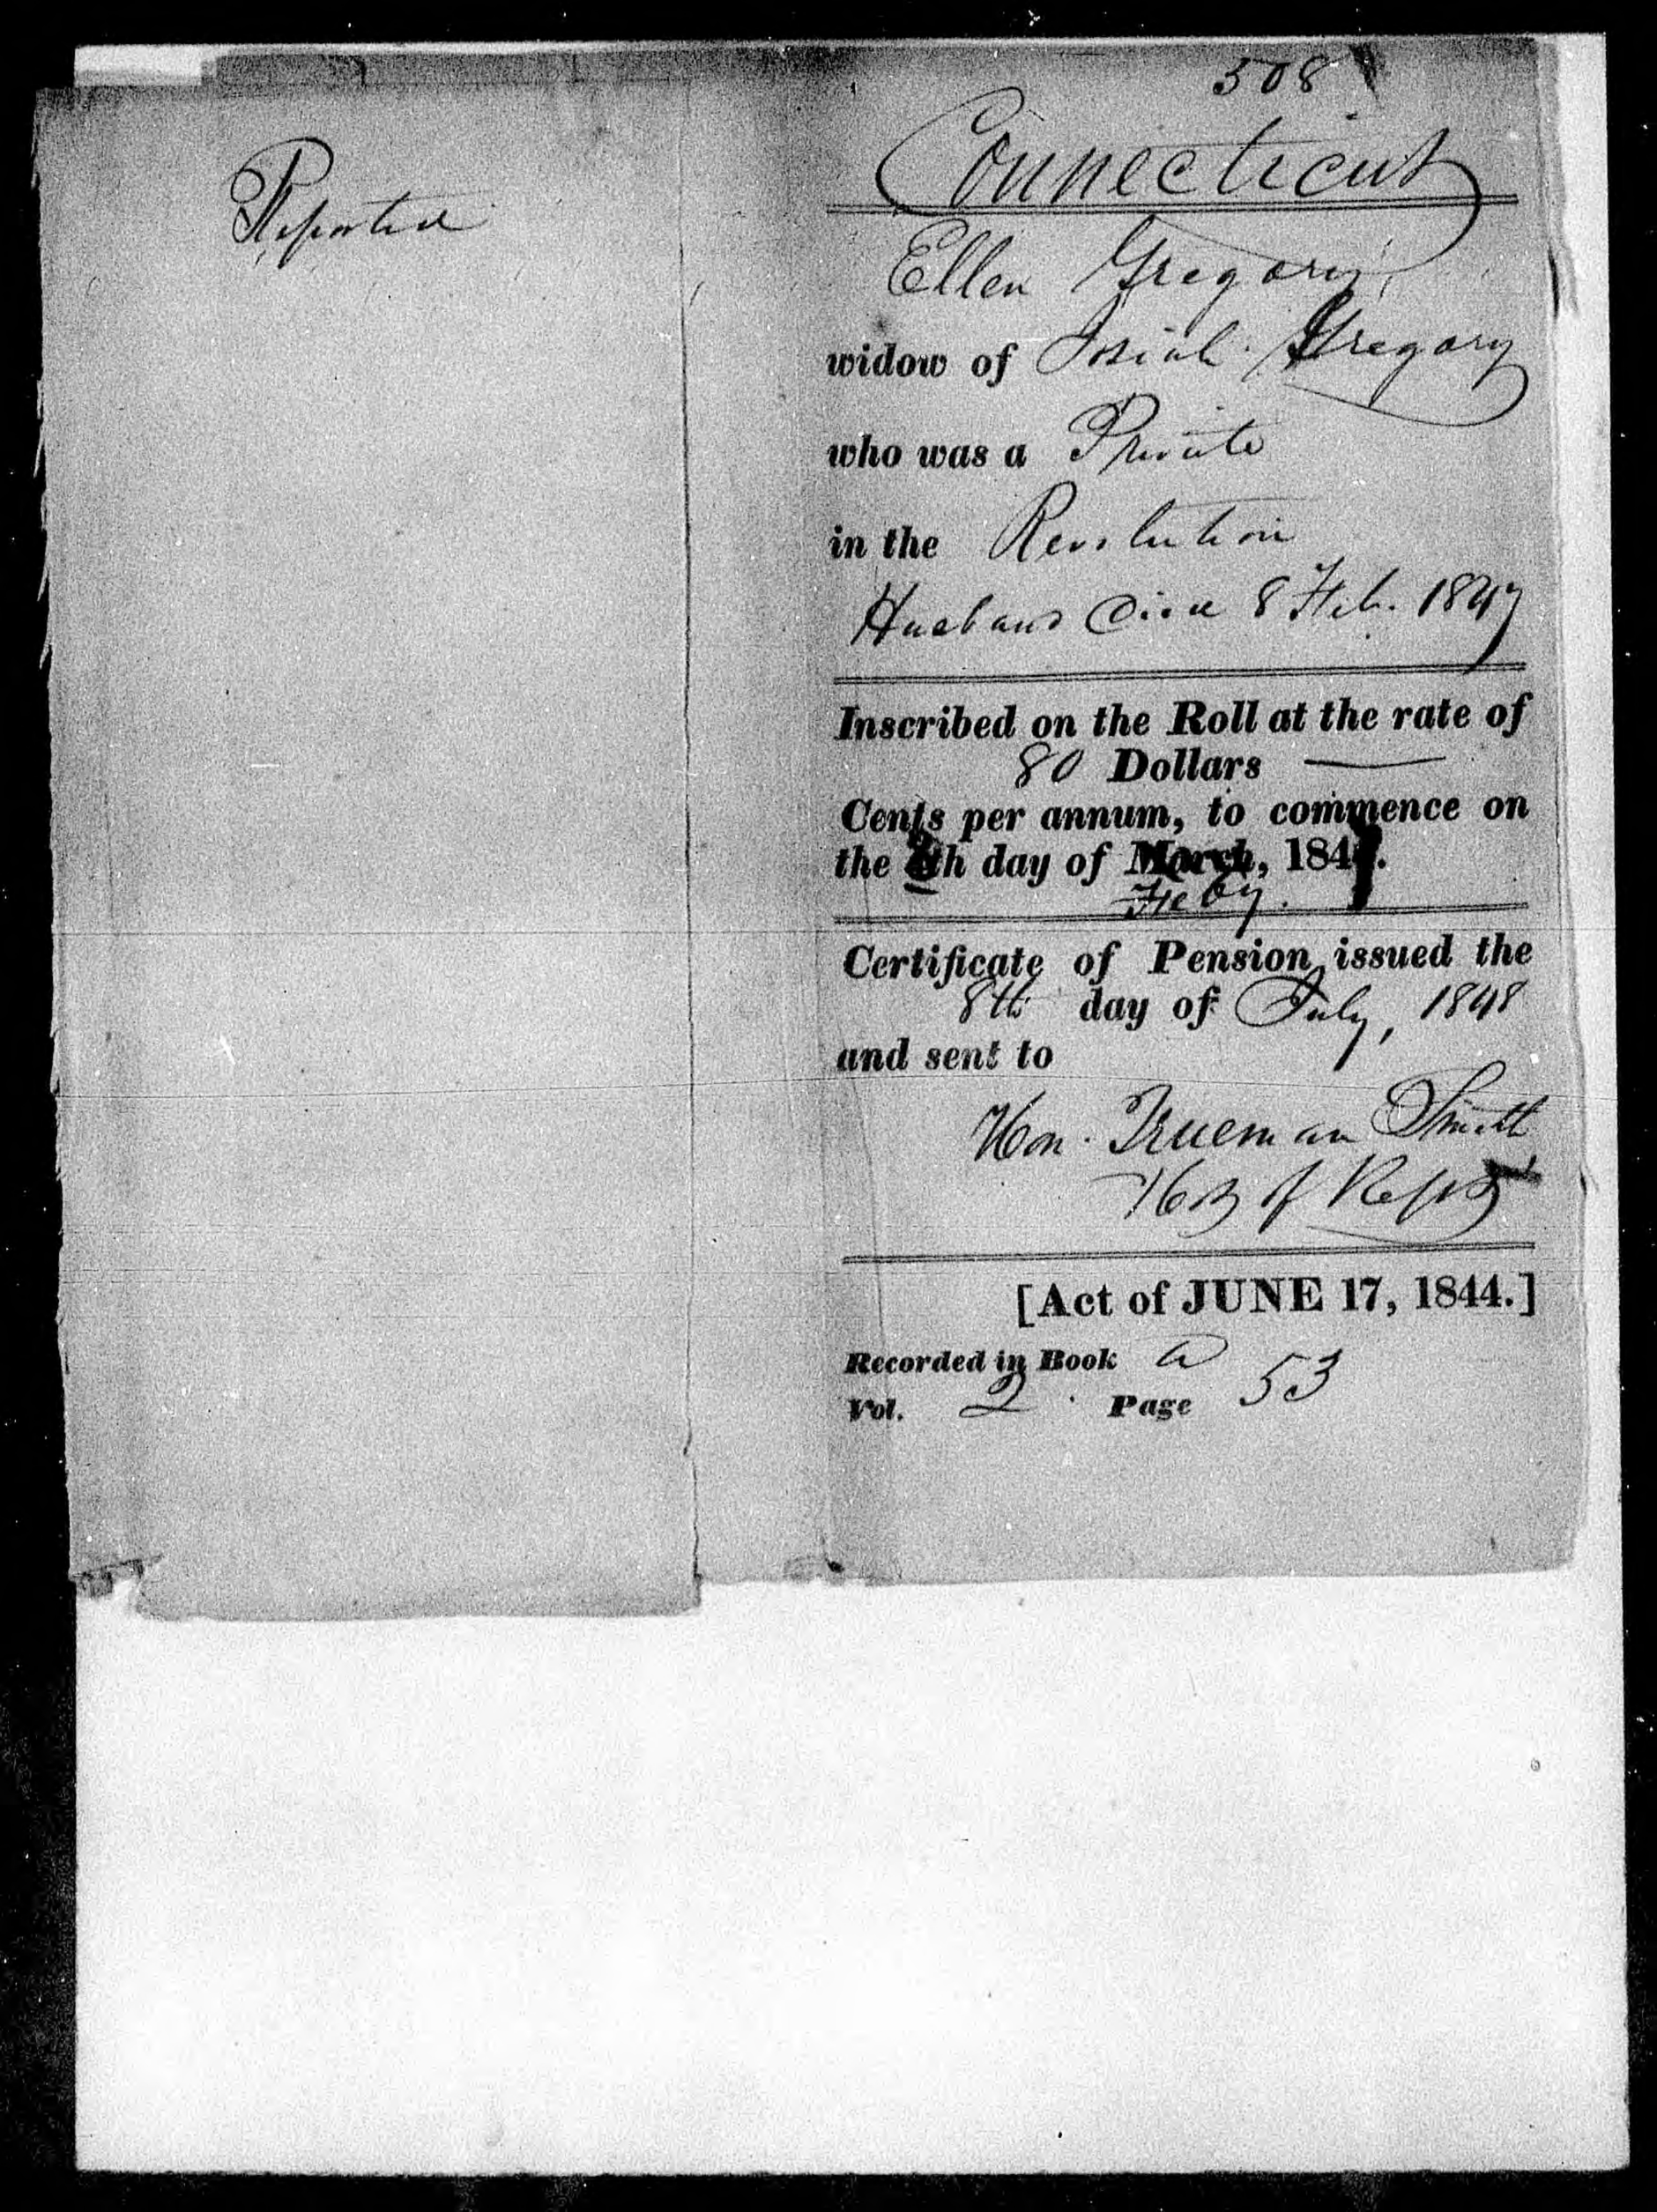[LEFT PAGE]

      Reported



[RIGHT PAGE]

                       508
 Connecticut
Ellen Gregory
widow of Josiah Gregory
who was a Private
in the Revolution
Husband died 8 Feb, 1847

Inscribed on the Roll at the rate of
           80 Dollars ---
Cents per annum, to commence on
the 8th day of Feby 1847

Certificate of Pension issued the
      8th day of July, 1848

            Hon. Trueman Smith
         Hos of Reps

                           [Act of JUNE 17,1844.]
Recorded in Book a
Vol. 2   Page 53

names: Trueman Smith, Ellen Gregory, Josiah Gregory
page: 24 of 49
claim: widow's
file: W 24308, Josiah Gregory, Conn.